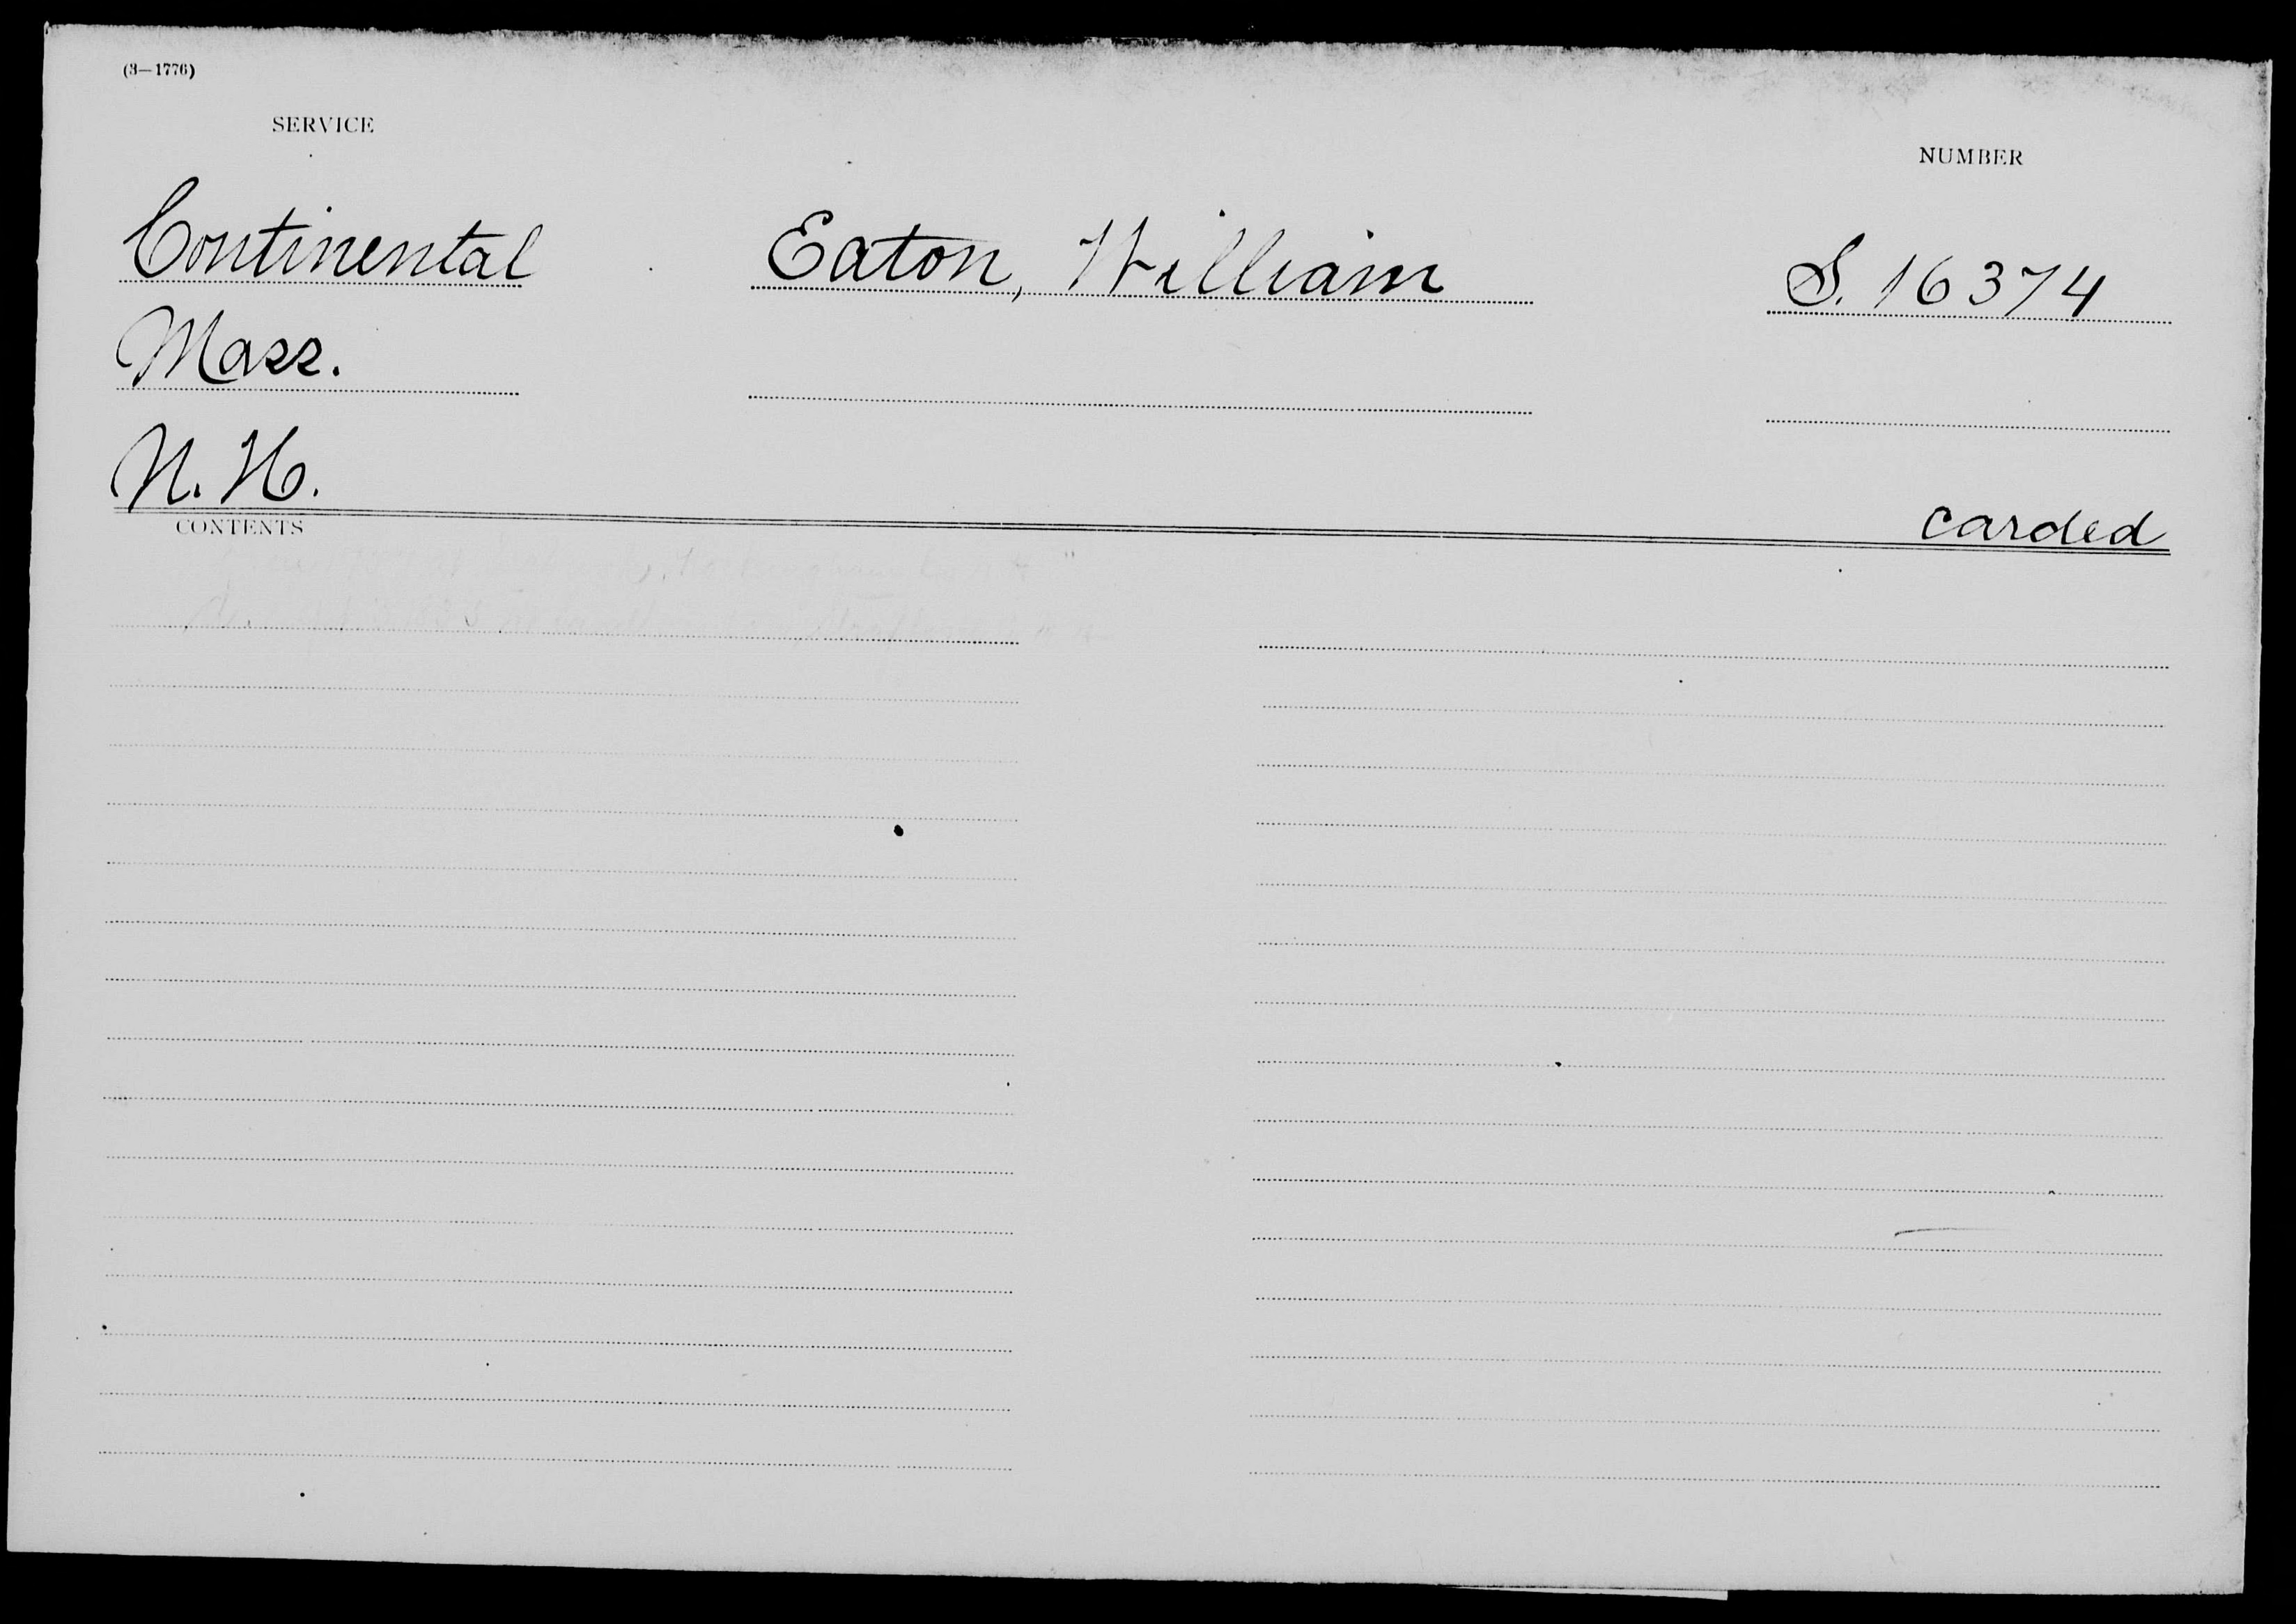(3 - 1776) 
SERVICE
Continental
Mass.
N.H
Eaton, William
NUMBER
S. 16374
carded
CONTENTS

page: 1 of 21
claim: survivor's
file: S. 16374, William Eaton, Continental Mass. N.H.